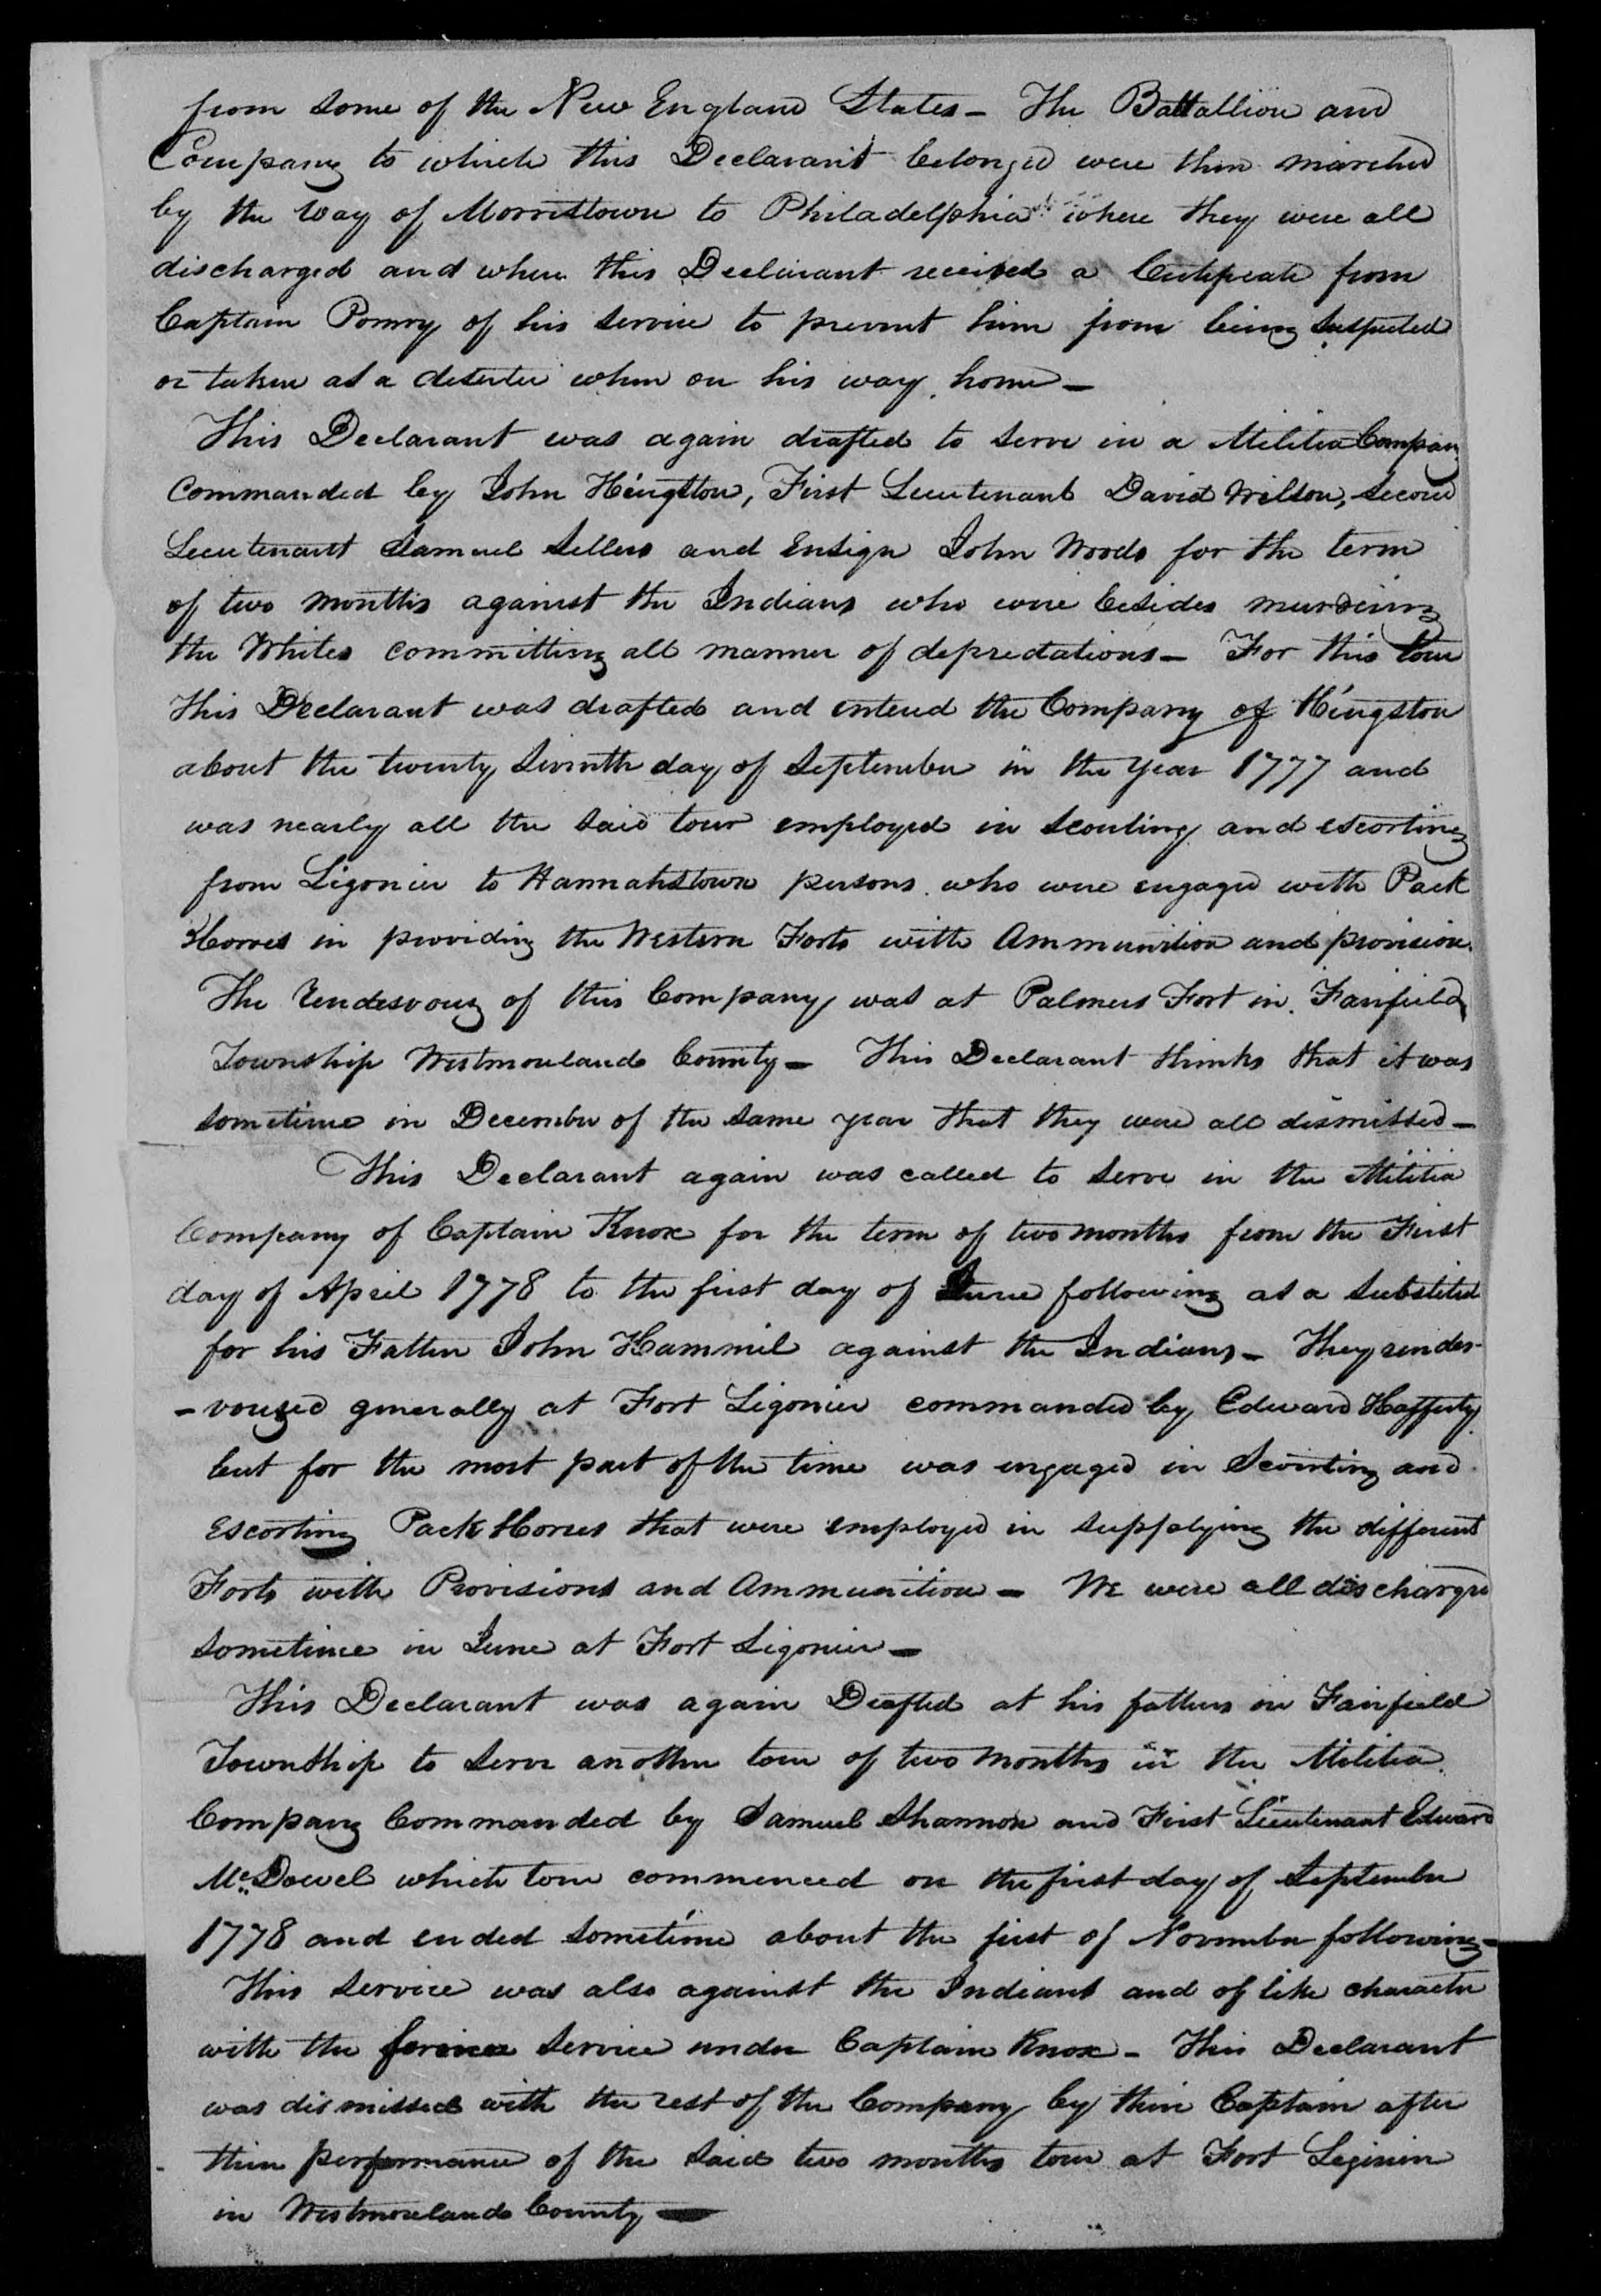from some of the New England States- The Battallion and Company to which this Declarant belonged were then marched by the way of Morristown to Philadelphia where they were all discharged and where this Declarant received a Certificate from Captain Pomry of his service to prevent him from being suspected or taken as a deserter when on his way home- 
This Declarant was again drafted to serve in a Militia Company commanded by John Hingston, First Lieutenant David Wilson, Second Lieutenant Samuel Sellers and Ensign John Woods for the term of two months against the Indians who were besides murdering the Whites committing all manner of depredations- For this tour This Declarant was drafted and entered the Company of Hingston about the twenty seventh day of September in the year 1777 and was nearly all the said tour employed in scouting and escorting from Ligonier to Hannahstown persons who were engaged with Pack Horses in providing the Western Forts with ammunition and provisions The rendesvous of this Company was at Palmers Fort in Fairfield Township Westmoreland County- This Declarant thinks that it was sometime in December of the same year that they were all dismissed- 
This Declarant again was called to serve in the Militia Company of Captain Knox for the term of two months from the First day of April 1778 to the first day of June following as a substitut for his Father John Hammil against the Indians- They rendesvouzed generally at Fort Ligonier commanded by Edward Hafferty but for the most part of the time was engaged in Scouting and Escorting Pack Horses that were employed in supplying the different Forts with Provisions and Ammunition- We were all discharged sometime in June at Fort Ligonier-
This Declarant was again drafted at his fathers in Fairfield Township to serve another tour of two months in the Militia Company commanded by Samuel Shannon and First Lieutenant Edward McDowel which tour commenced on the first day of September 1778 and ended sometime about the first of November following- This service was also against the Indians and of like character with the former service under Captain Knox. This Declarant was dismissed with the rest of the Company by their Captain after their performance of the said two months tour at Fort Leginier [Ligonier] in Westmoreland County-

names: Knox, John Hingston, Edward Hafferty, Samuel Shannon, Samuel Sellers, John Woods, David Wilson, Edward Mc Dowel, John Hammil, Knox, Pomry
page: 10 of 92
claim: widow's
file: W 1173, Robert Hamill, Penn.